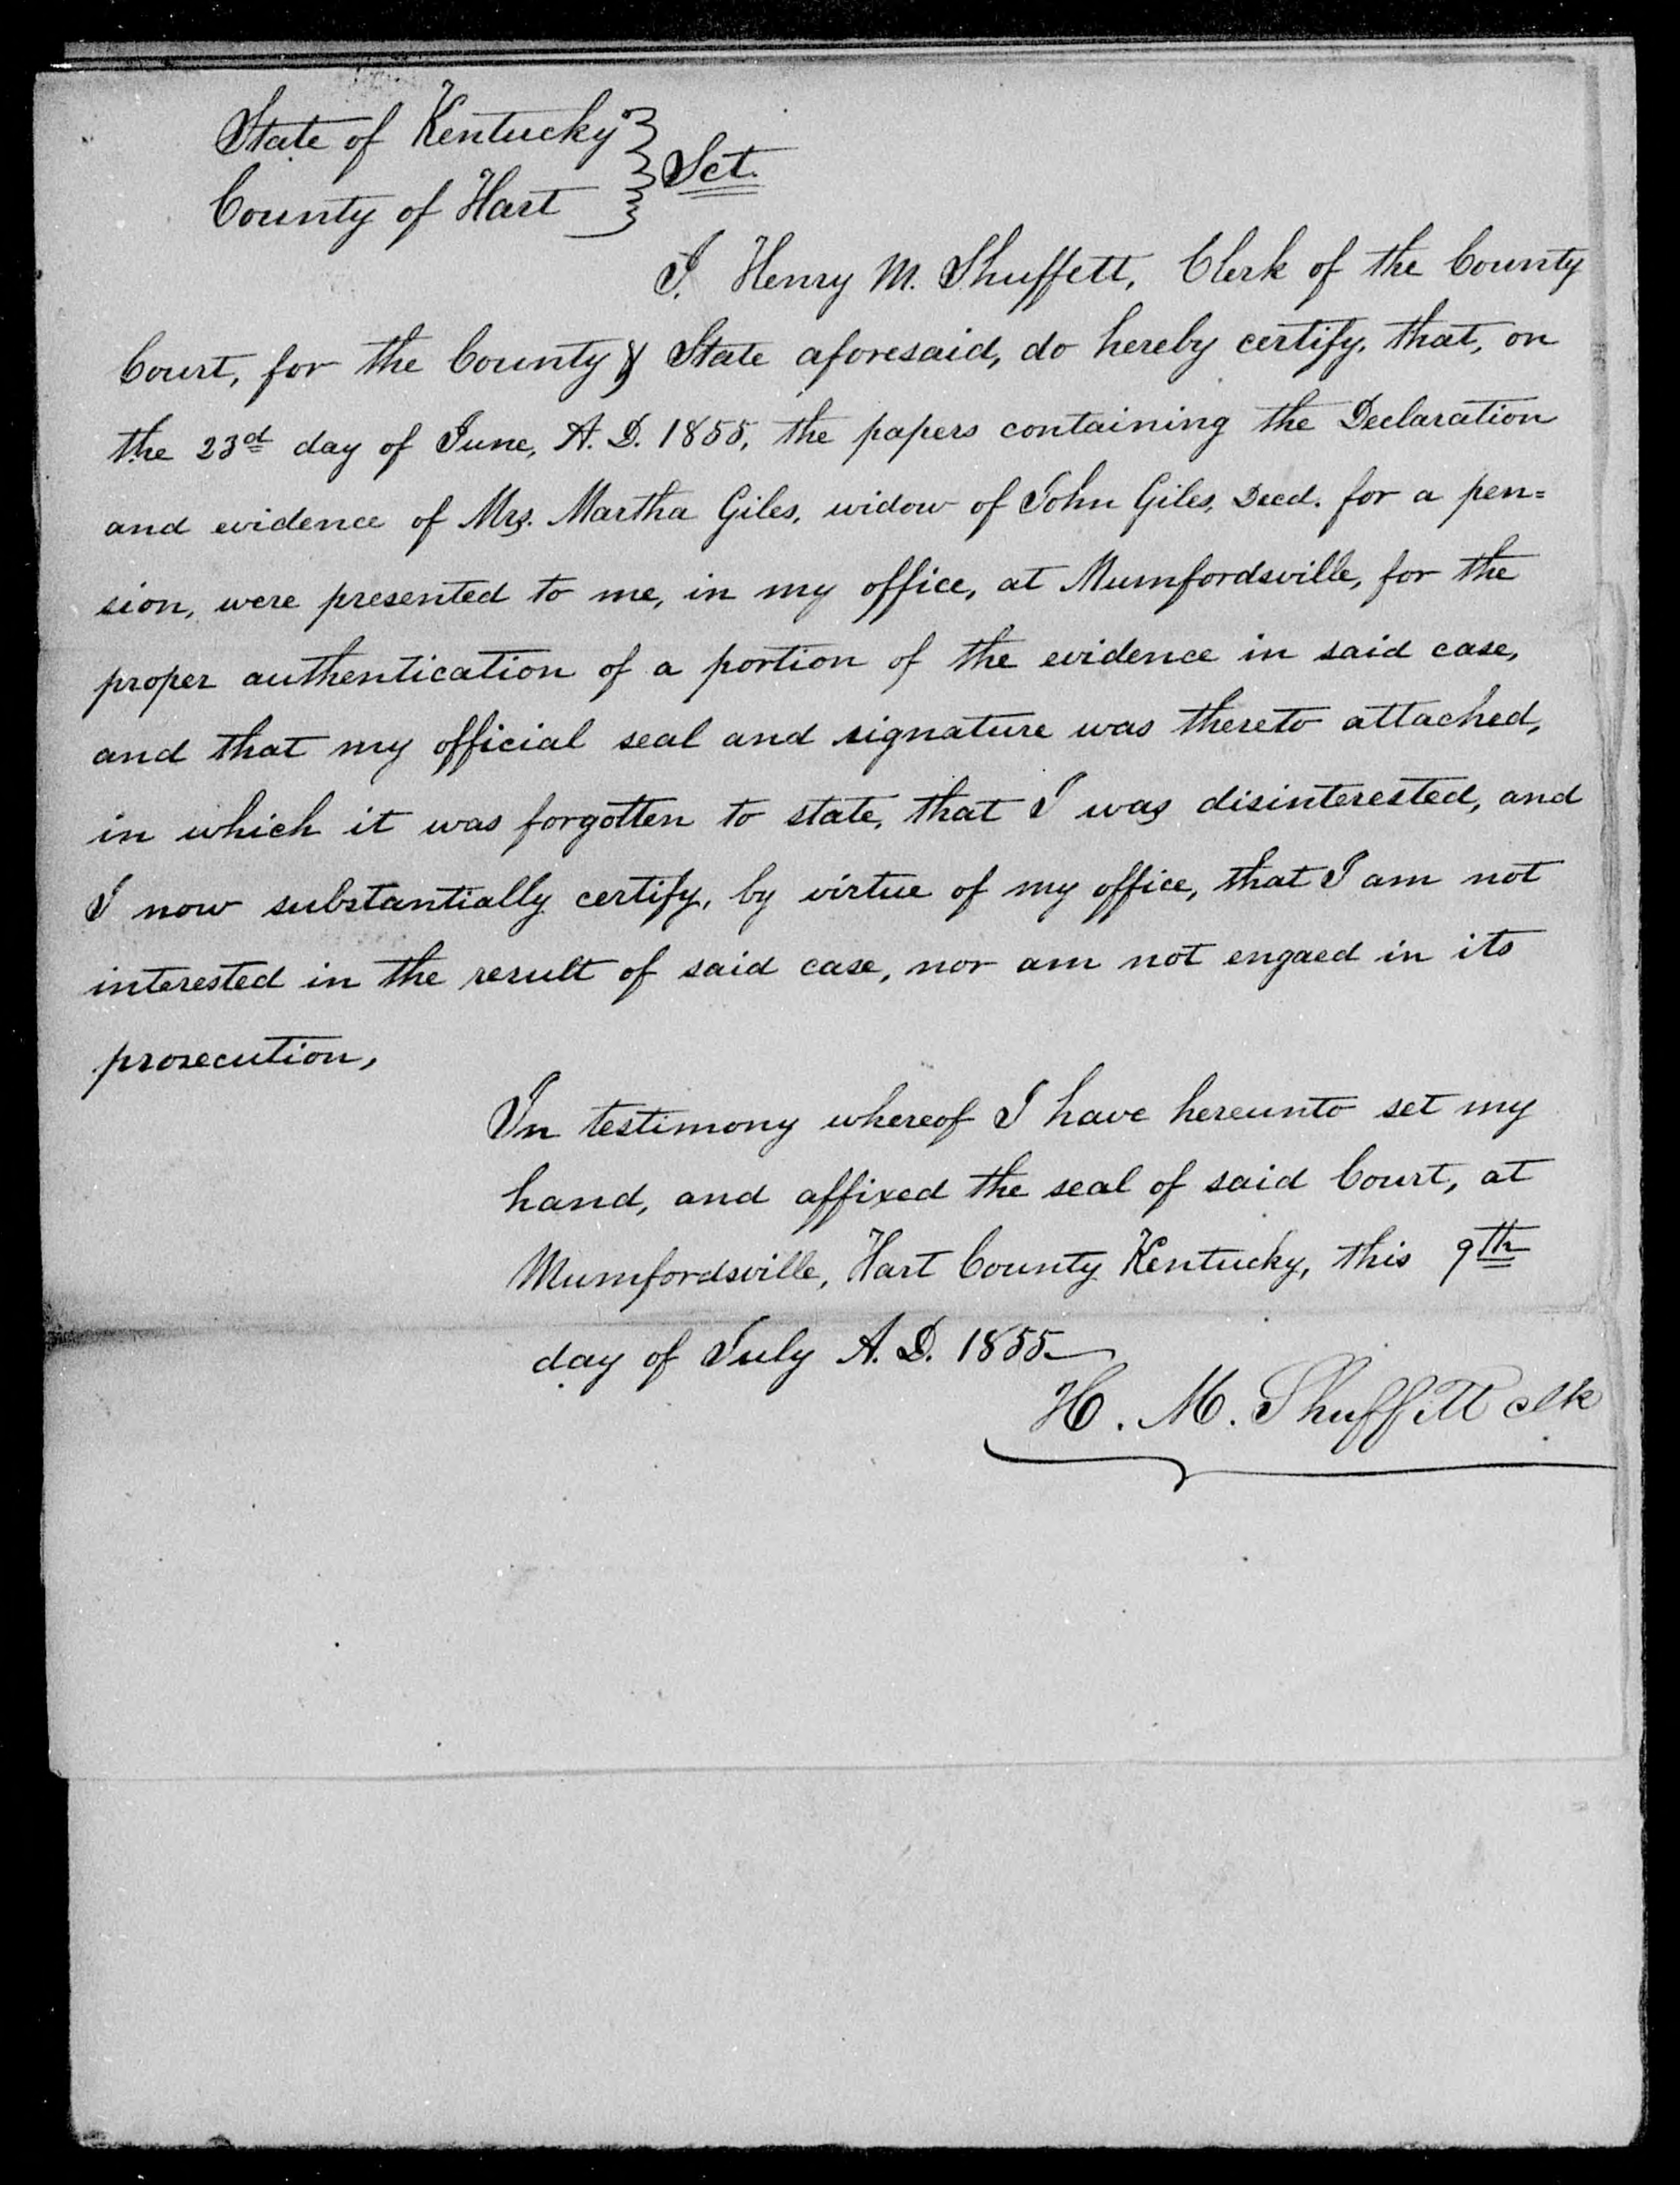State of Kentucky } Sct
County of Hart }

I Henry M. Shuffett, Clerk of the County Court, for the County and State aforesaid, do hereby certify that, on the 23rd day of June, A.D. 1855, the papers containing the Declaration and evidence of Mrs. Martha Giles, widow of John Giles deed for a pension, were presented to me, in my office, at Mumfordsville, for the proper authentication of a portion of the evidence in said case, and that my official seal and signature was thereto attached, in which it was forgotten to state that I was disinterested, and I now substantially certify by virtue of my office, that I am not interested in the result of said case, nor am not engaged in its prosecution,

In testimony whereof I have hereunto set my and, and affixed the seal of said Court, at Mumfordsville, Hart County Kentucky, this 9th day of July A. D. 1855

H.M. Shuffett clerk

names: John Giles, H M Shuffett, Henry M Shuffett, Martha Giles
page: 35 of 82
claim: widow's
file: W. 7,522, John Giles, N.C.